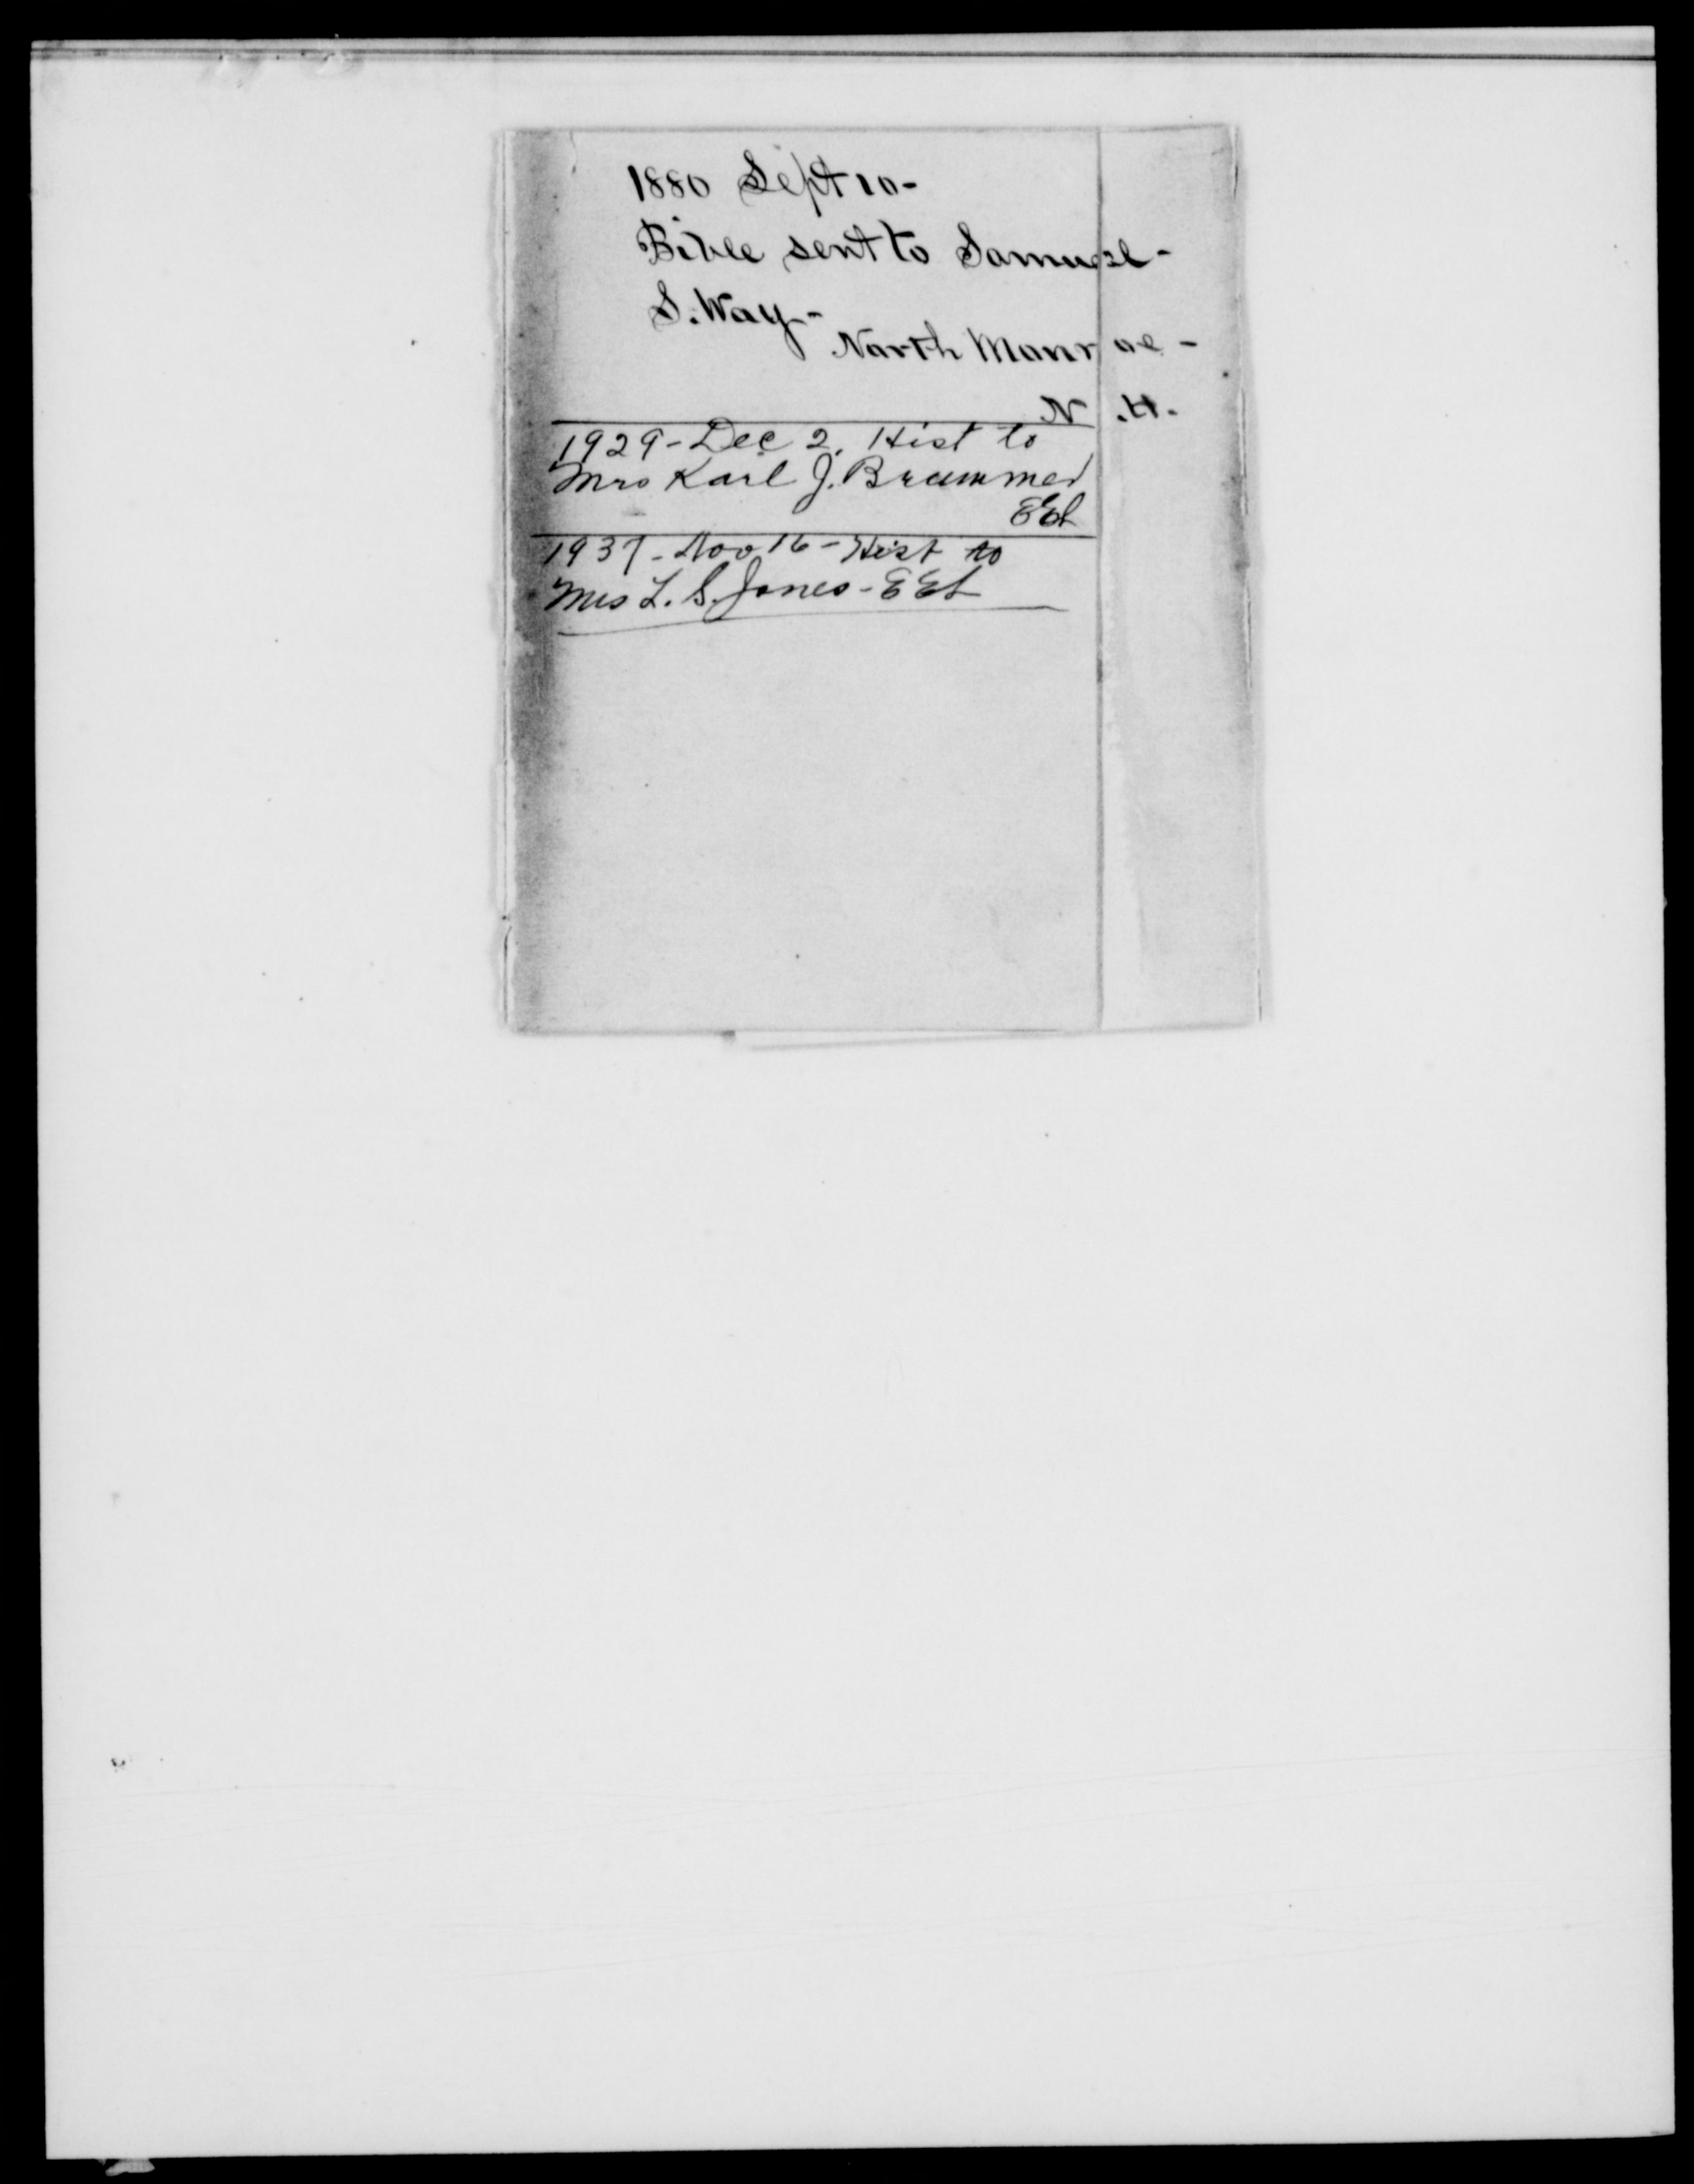1880 Sept 10 -
Bible sent to Samuel
S. Way North Monroe N.H.
1929 - Dec 2. Hist to
Mrs Karl J. Brummer, EEL
1937 - Nov 16 - Hist to
Mrs L.S. Jones - EEL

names: Karl J Brummer, Samuel S Way, L S Jones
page: 74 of 78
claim: widow's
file: W. 25856, Samuel Way, N.H.